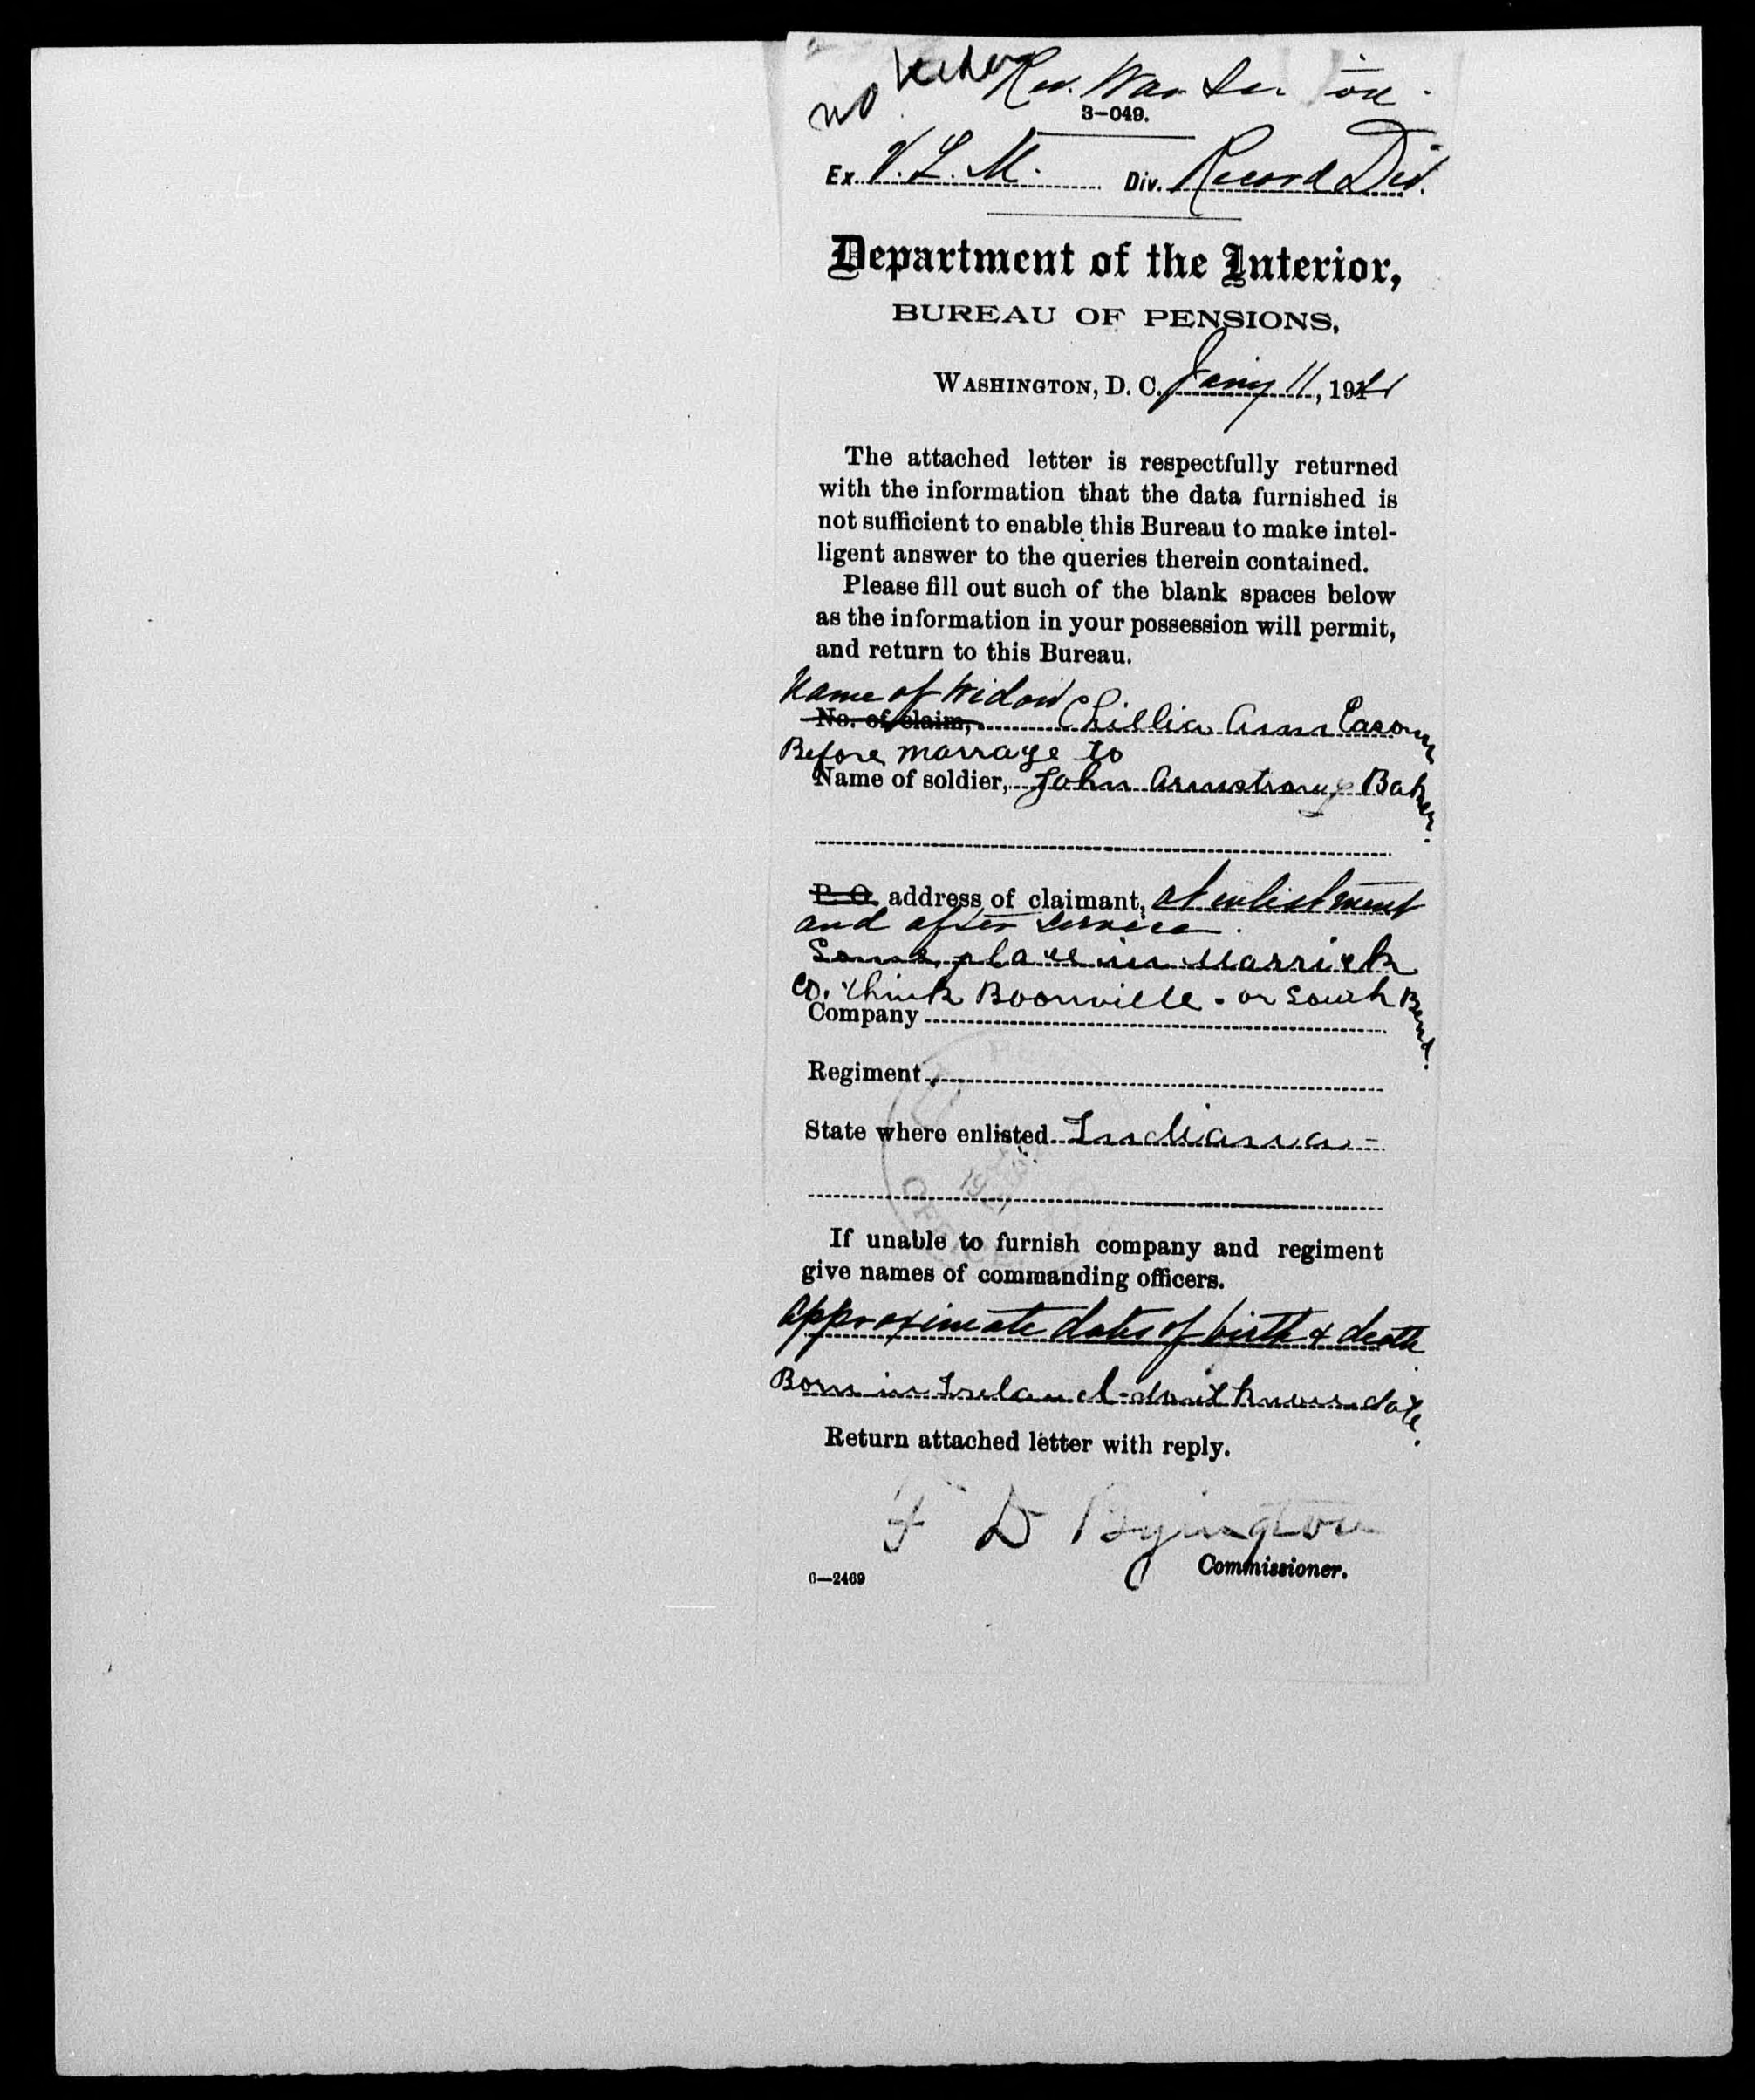no [illegible]
Rev. War Section
3-049
Ex. V.L.M. Div. Record Dist.
Department of the Interior,
BUREAU OF PENSIONS.
WASHINGTON, D. C. Jany 11, 1921
The attached letter is respectfully returned with the information that the data furnished is not sufficient to enable this Bureau to make intelligent answer to the queries therein contained. Please fill out such of the blank spaces below as the information in your possession will permit, and return to this Bureau.
Name of Widow Chillia Ann Easom
Before marriage to Name of soldier, John Armstrong Baker
address of claimant, at enlistment and after service Some place in Warrick Co. think Boonville or South Bend
Company
Regiment
State where enlisted Indiana
If unable to furnish company and regiment give names of commanding officers.
approximate dates of birth & death Born in Ireland - don't know date.
Return attached letter with reply.
F D Byington
Commissioner.
0-2469

[stamp] U.S. PENSION OFFICE FEB 18 1921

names: F D Byington, Chillia Ann Easom, John Armstrong Baker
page: 17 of 27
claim: rejected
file: R. 406, John Baker, S.C.